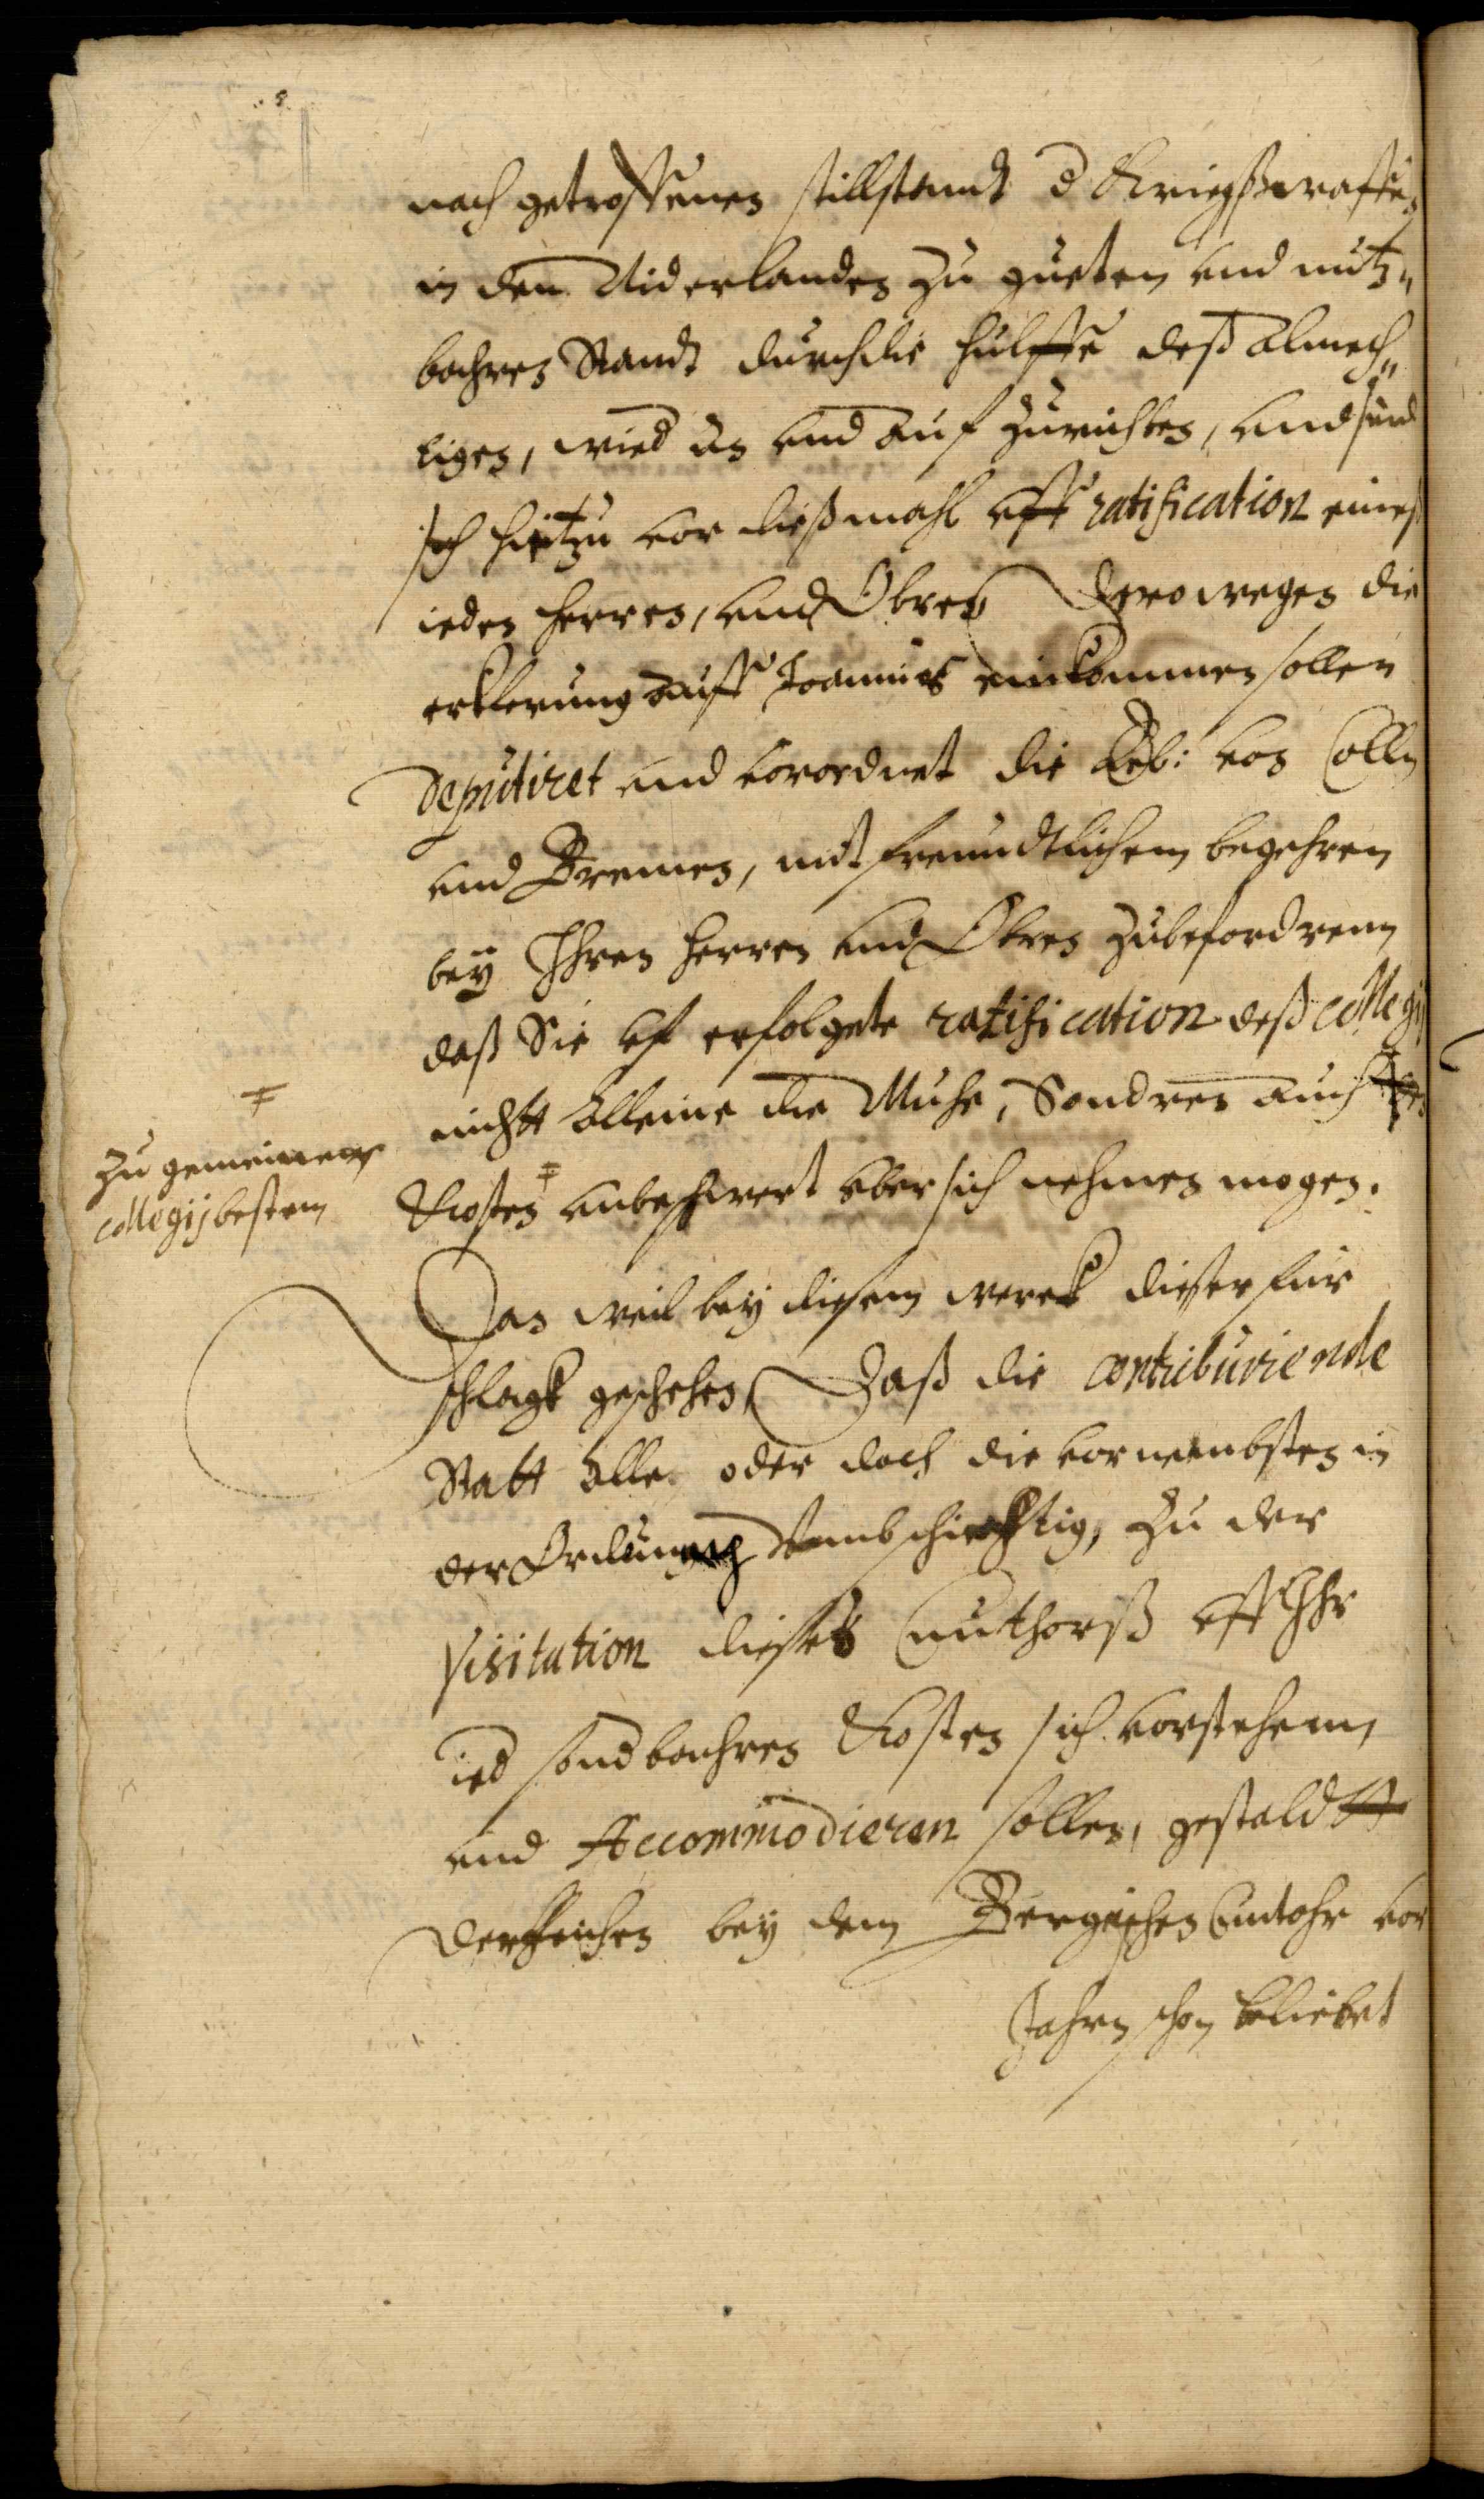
nach getroffenen stillstand der Kriegswaffen
in den Niederlanden zu gueten vnd nutz¬
bahren Standt durch die hulffe deß Almech¬
tigen, wieder An vnd Auf zurichten, vnd sind
sich hirtzu vor dießmahl vff ratification eineß
ieden herren, vnd Obern derowegen die
erklerung Auff Joannis einkommen sollen
deputiret vnd vorordent die Erb: von Colln
vnd Bremen, mit freundtlichem begehren
beij Ihren herren vnd Obern zubefordrenn
daß Sie vf erfolgete ratification deß collegij
nicht Alleine die Muhe, Sondren Auch +
Kosten vnbeschwert vber sich nehmen mogen.
F
Zu gemeiner
collegii bestem
Das weil beij diesem werck dießer fur
schlagk geschehen Daß die contribuirende
Statt alle oder doch die vornembsten in
der Ordnung vmbschichtig, zu der
visitation dießes Cunthorß vff Ihr
ieder sonderbahren Kosten sich vorstehenn
vnd Accommodieren sollen, gestaldtt
dergleichen beij dem Bergischen Cuntohr vor
Jahren schon beliebet
